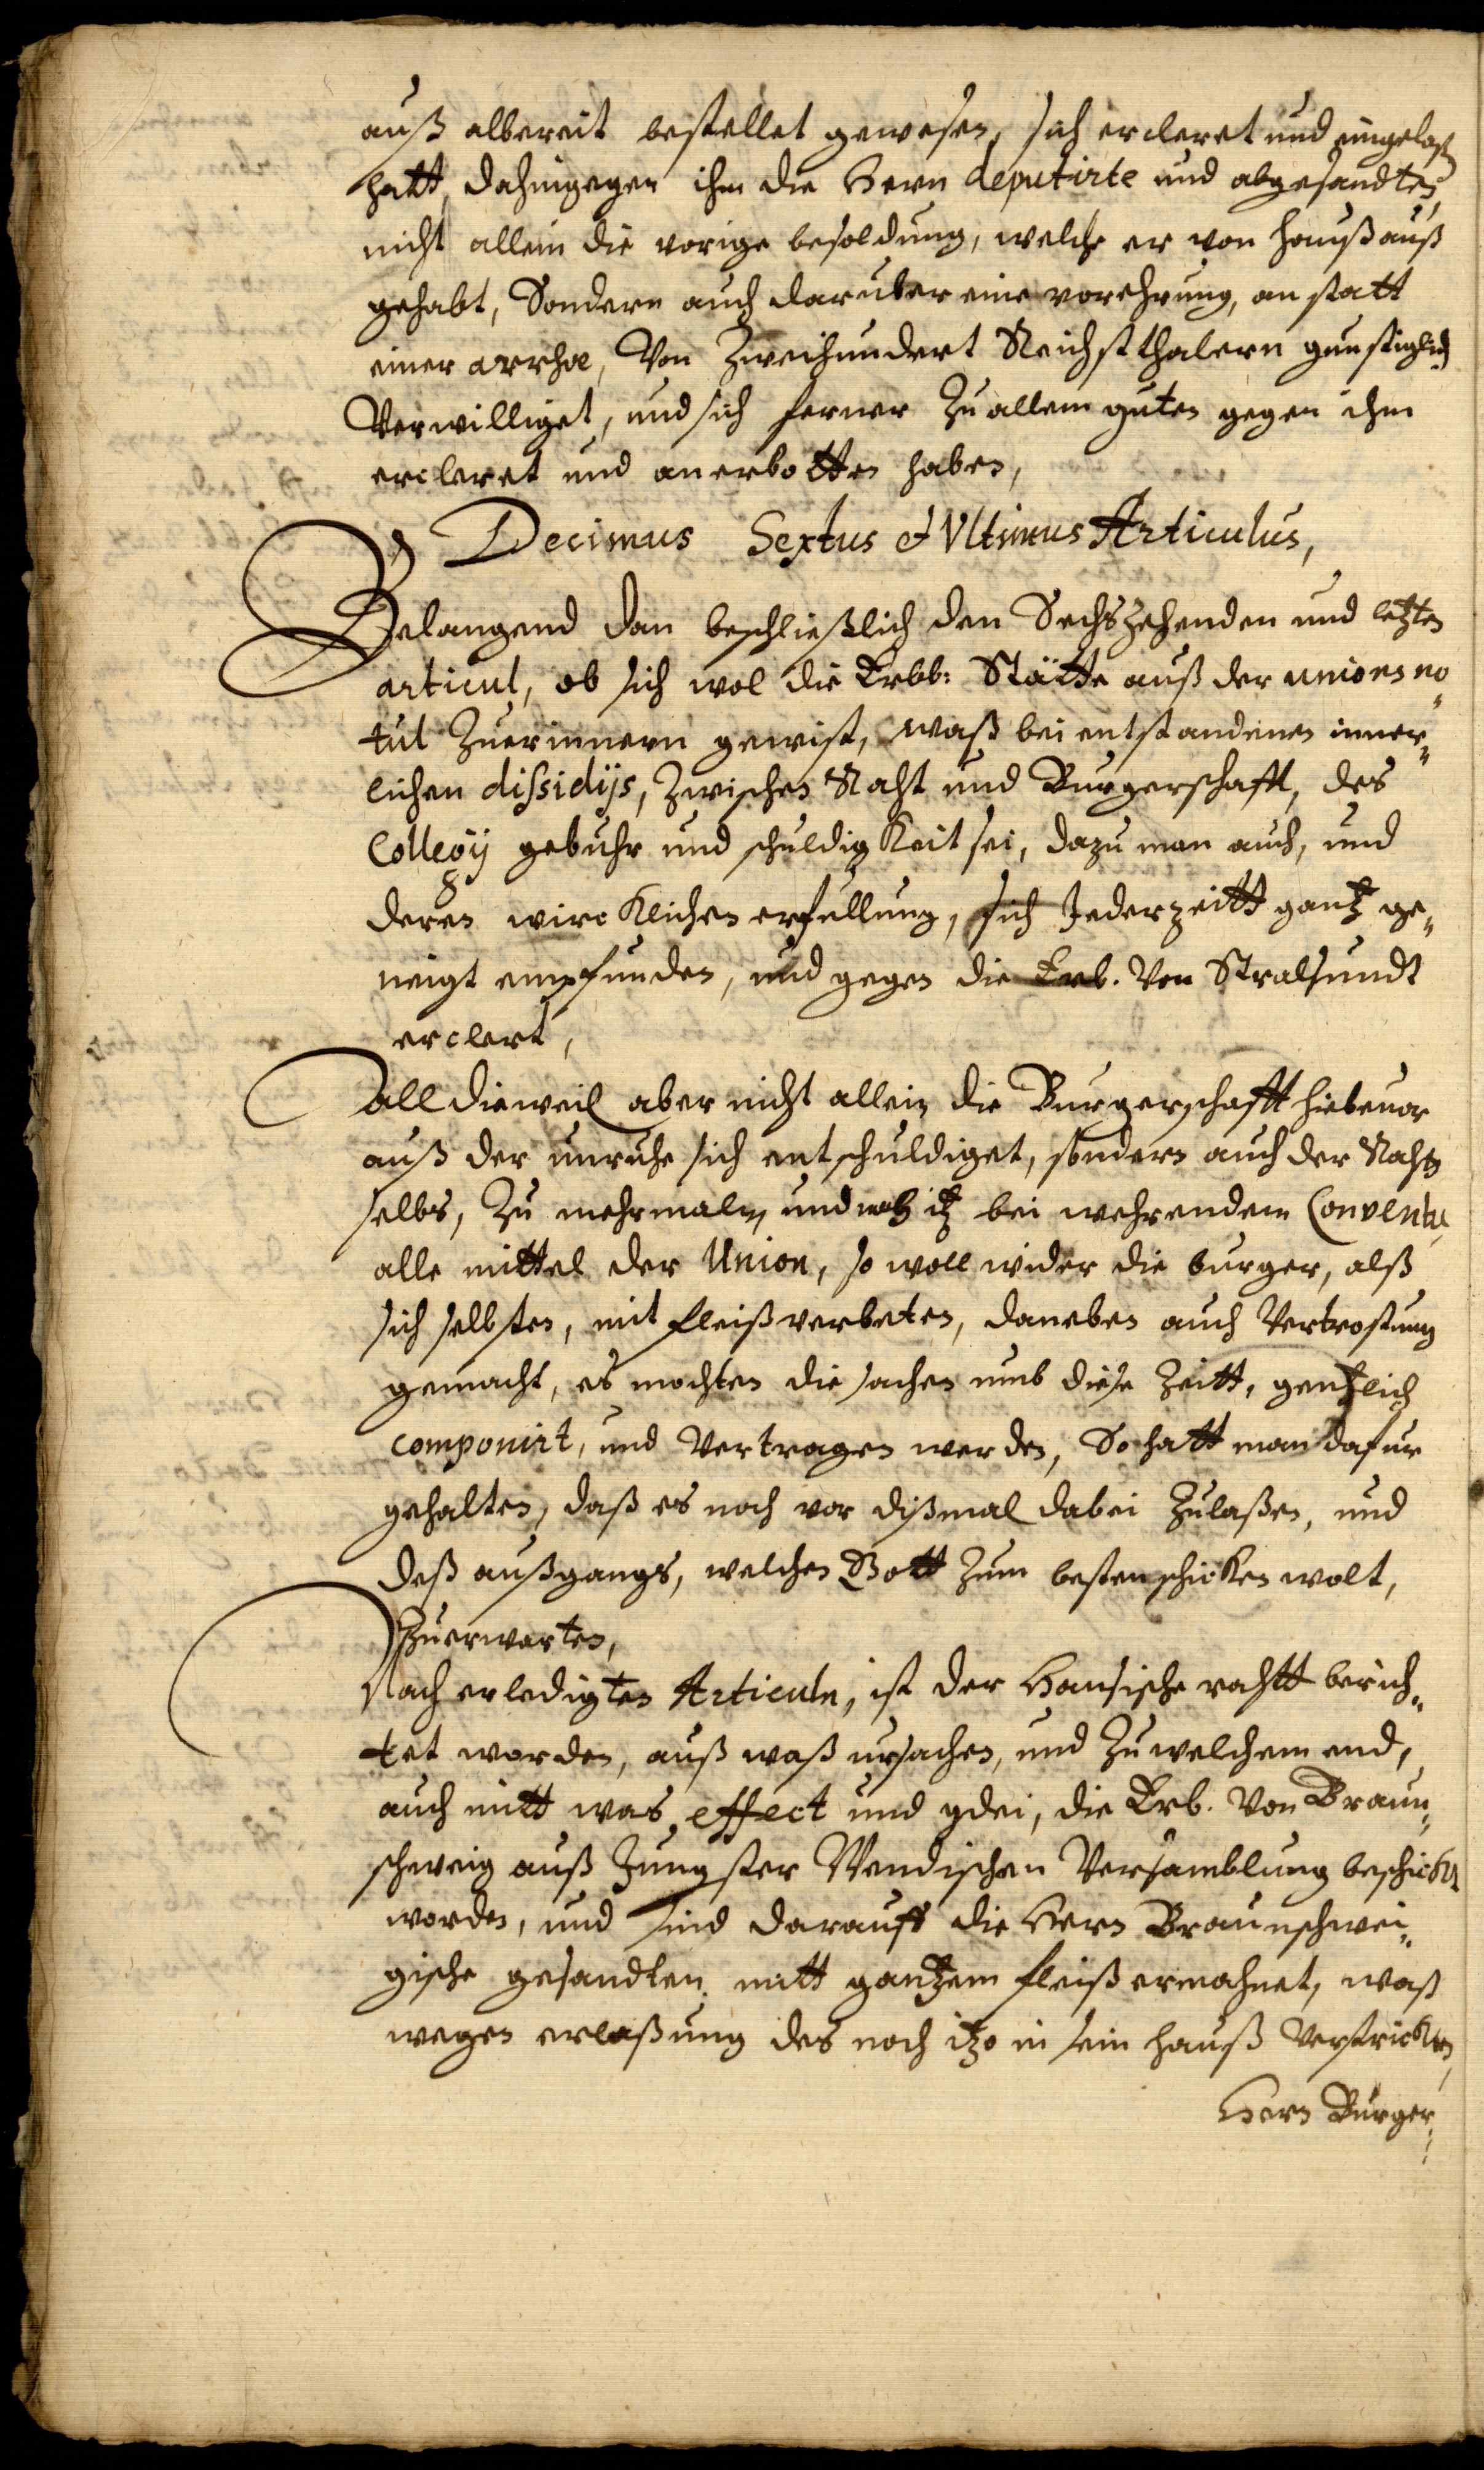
auß albereit bestellet gewesen, sich ercleret und eingelaßen
hatt, dahingegen ihm die Hern deputirte und abgesandten,
nicht allein die vorige besoldung, welche er von hauß auß
gehabt, Sondern auch daruber eine vorehrung, anstatt
einer arrhoe, Von Zweihundert Reichßthalern gunstiglich
Verwilliget, und sich ferner zu allem guten gegen ihm
ercleret und anerbotten haben,
Decimus Sextus et Vltimus Articulus,
Belangend dan beschließlich den Sechszehenden und letzten
articul, ob sich wol die Erbb: Stätte auß der unions no¬
tul zuerinnern gewist, waß bei entstandenen inner¬
lichen dissidijs, zwischen Raht und Burgerschafft, des
Collegij gebuhr und schuldigkeit sei, dazu man auch, und
deren wircklichen erfullung, sich Jederzeitt gantz ge¬
neigt empfunden, und gegen die Erb. von Stralsundt
erclert,
All dieweil aber nicht allein die Burgerschafft hiebeuor
auß der unruhe sich entschuldiget, sondern auch der Rahtt
selbs, zu mehrmalm, und noch itz bei wehrendem Conventu,
alle mittel der Union, so woll wider die burger, alß
sich selbsten, mit fleiß verbeten, daneben auch Vertrostung
gemacht, es mochten die sachen umb diese Zeitt, gentzlich
componirt, und vertragen werden, So hatt man dafur
gehalten, daß es noch vor dißmal dabei zulaßen, und
deß außgangs, welchen Gott zum besten schicken wolt,
zuerwarten,
Nach erledigten Articuln, ist der Hansische rahtt berich¬
tet worden, auß waß ursachen, und zu welchem end,
auch mitt was effect und gdei, die Erb. von Braun¬
schweig auß jungster Wendischen Versamblung beschickt
worden, und sind darauff die Hern Braunschwei¬
gische gesandten mitt gantzem fleiß ermahnet, waß
wegen erlaßung des noch itzo in sein hauß verstrickten
Hern Burger
